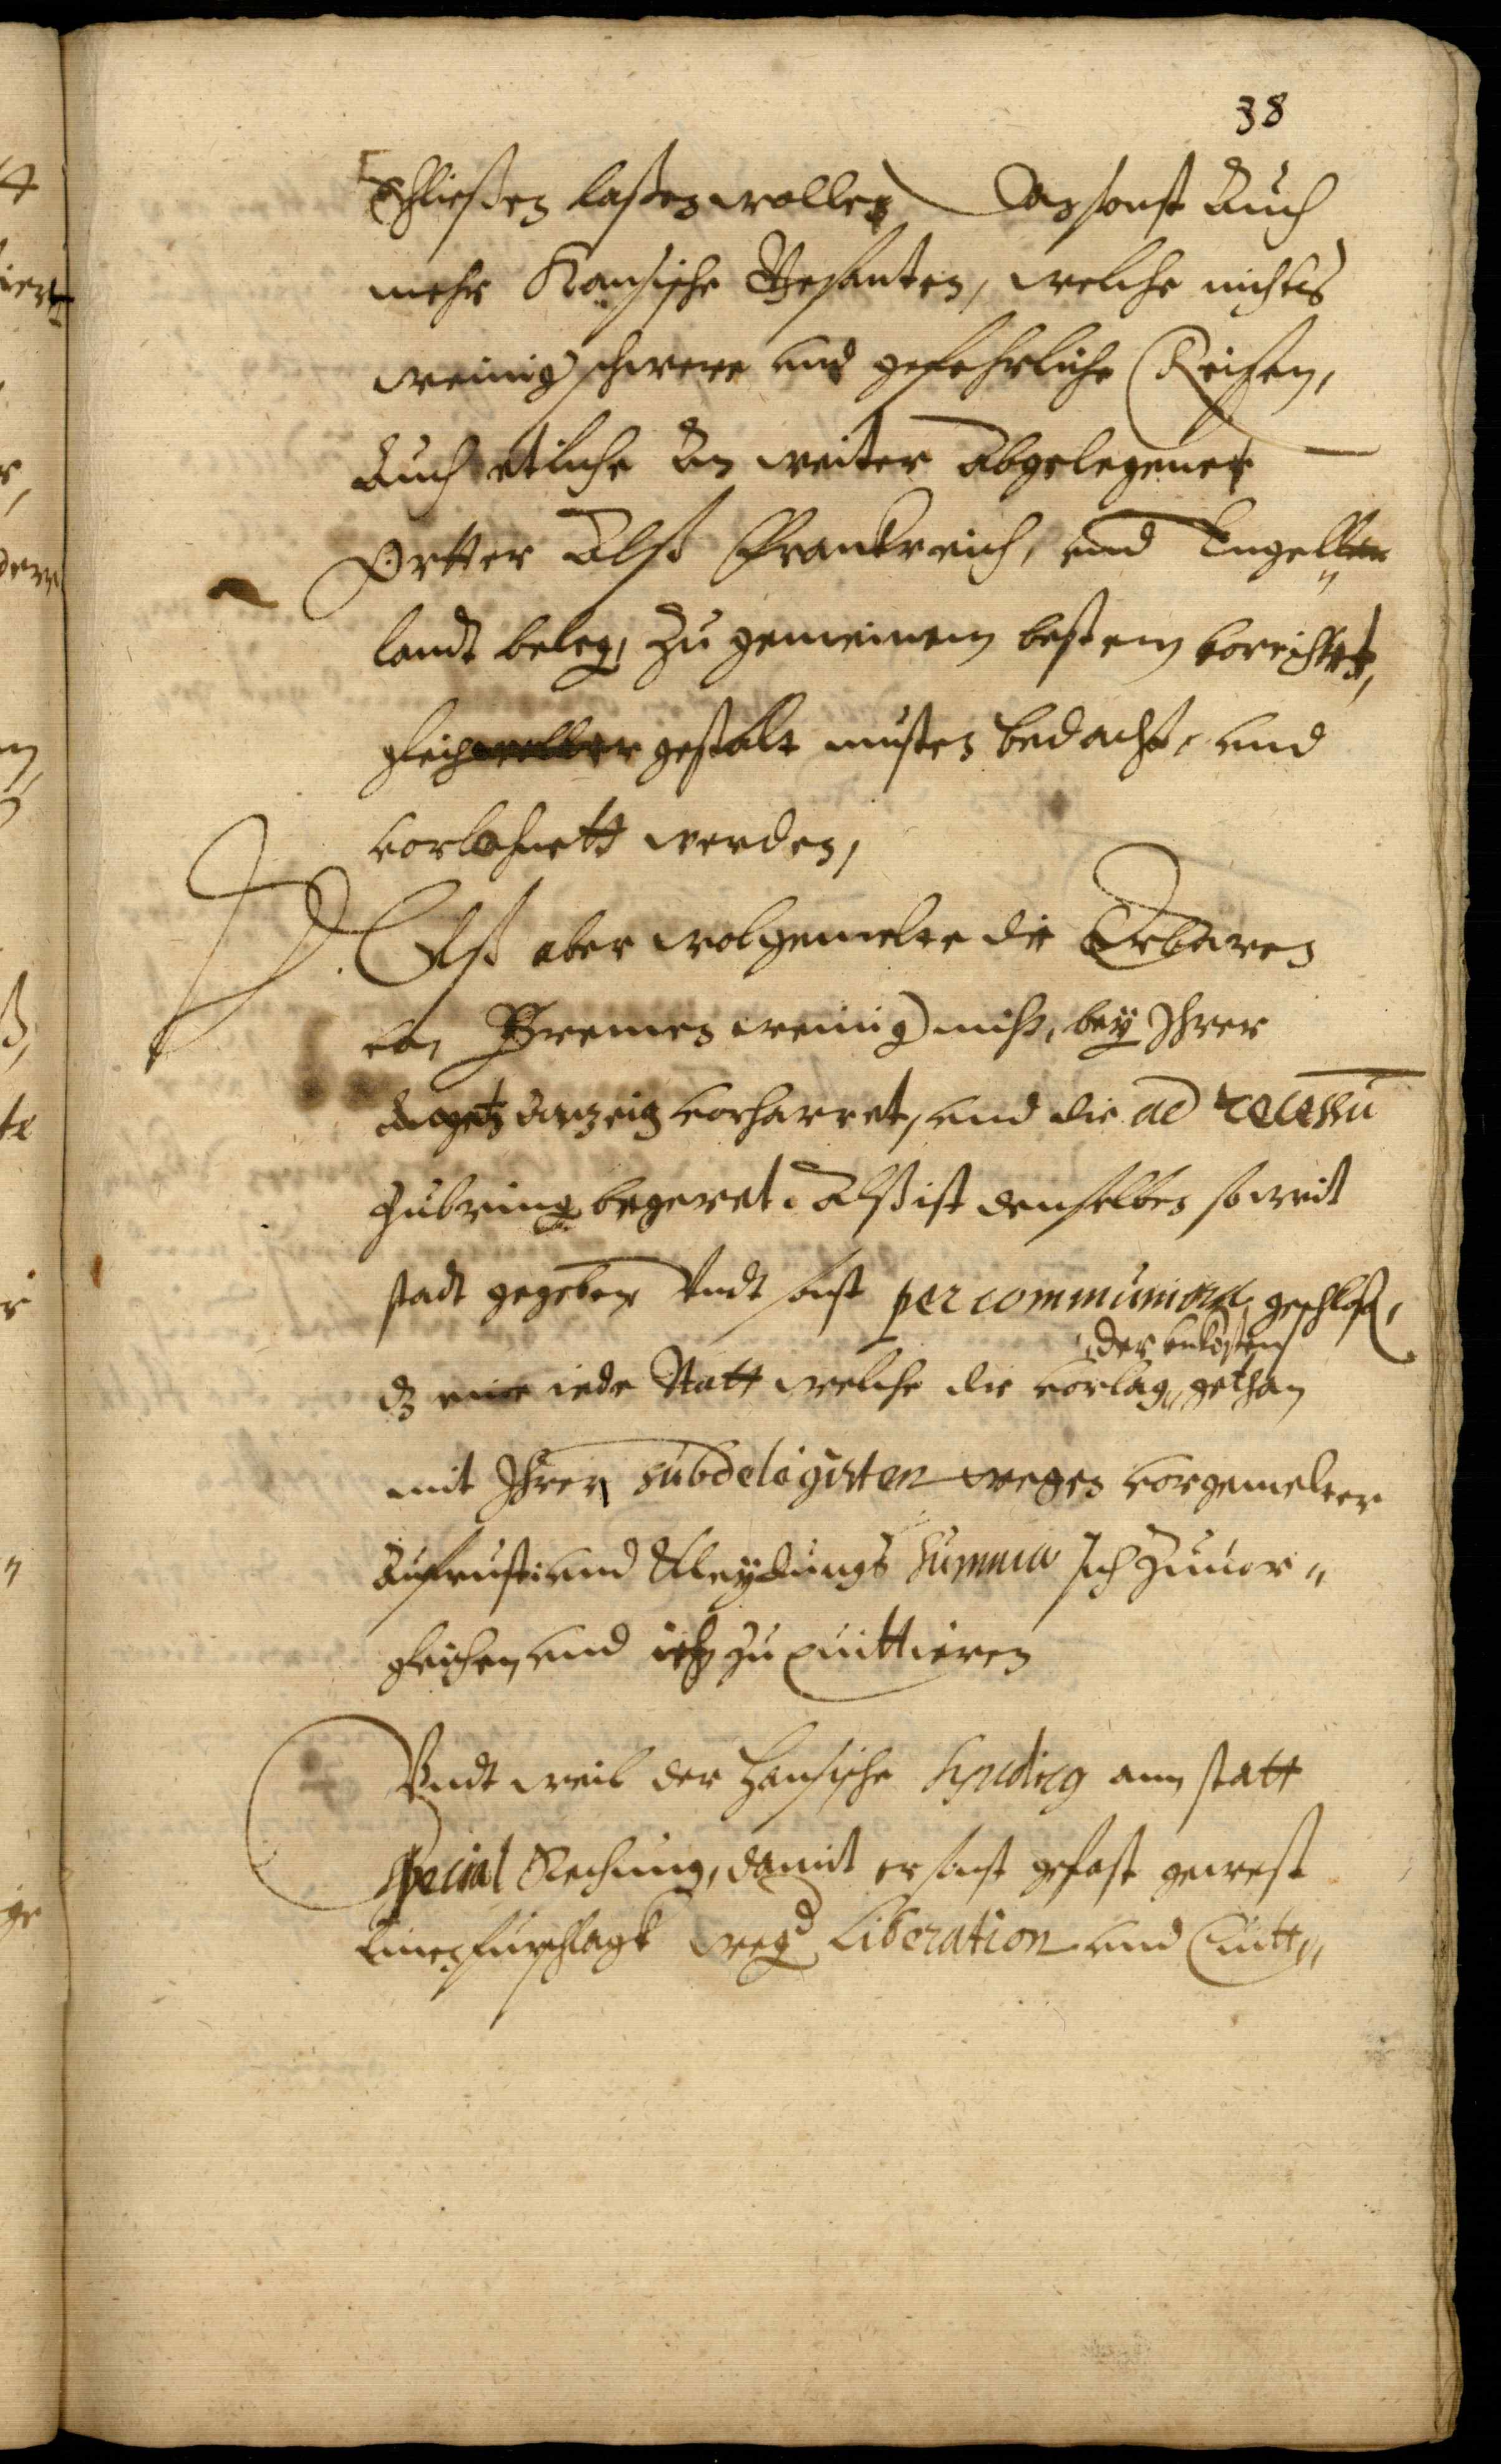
38
Schließen laßen wollen Das sonst Auch
mehr Hansische Gesanten, welche nichts
weiniger schwere vnd gefahrliche Reisen,
Auch etliche An weiter Abgelegenet
Ortter Alß Frankreich, vnd Engell¬lan
landt belegen, zu gemeinem bestenn vorrichtet,
gleichwelcher gestalt musten bedacht, vnd
vorlahrett werden,
Alß aber wolgemelte die Erbaren
von Bremen weiniger nicht, beij Ihrer
Legatn Anzeig vorharret, vnd die ad recessum
zubringen begeret. Alß ist denselben so weit
stadt gegeben, Vndt sonst per communioria geschloßen
das eine iede Statt welche die vorlag der vnkosten gethan
mit Ihren subdelegirten wegen vorgemelter
Aufrust: vnd Kleijdungs Summa sich zuuor¬
gleichen vnd ieh zu quittieren
Vndt weil der Hansische Syndicus ann statt
special Rechung, damit er sonst gefast gewest
Einen furschlagk wegen der Liberation vnd Quitt¬
